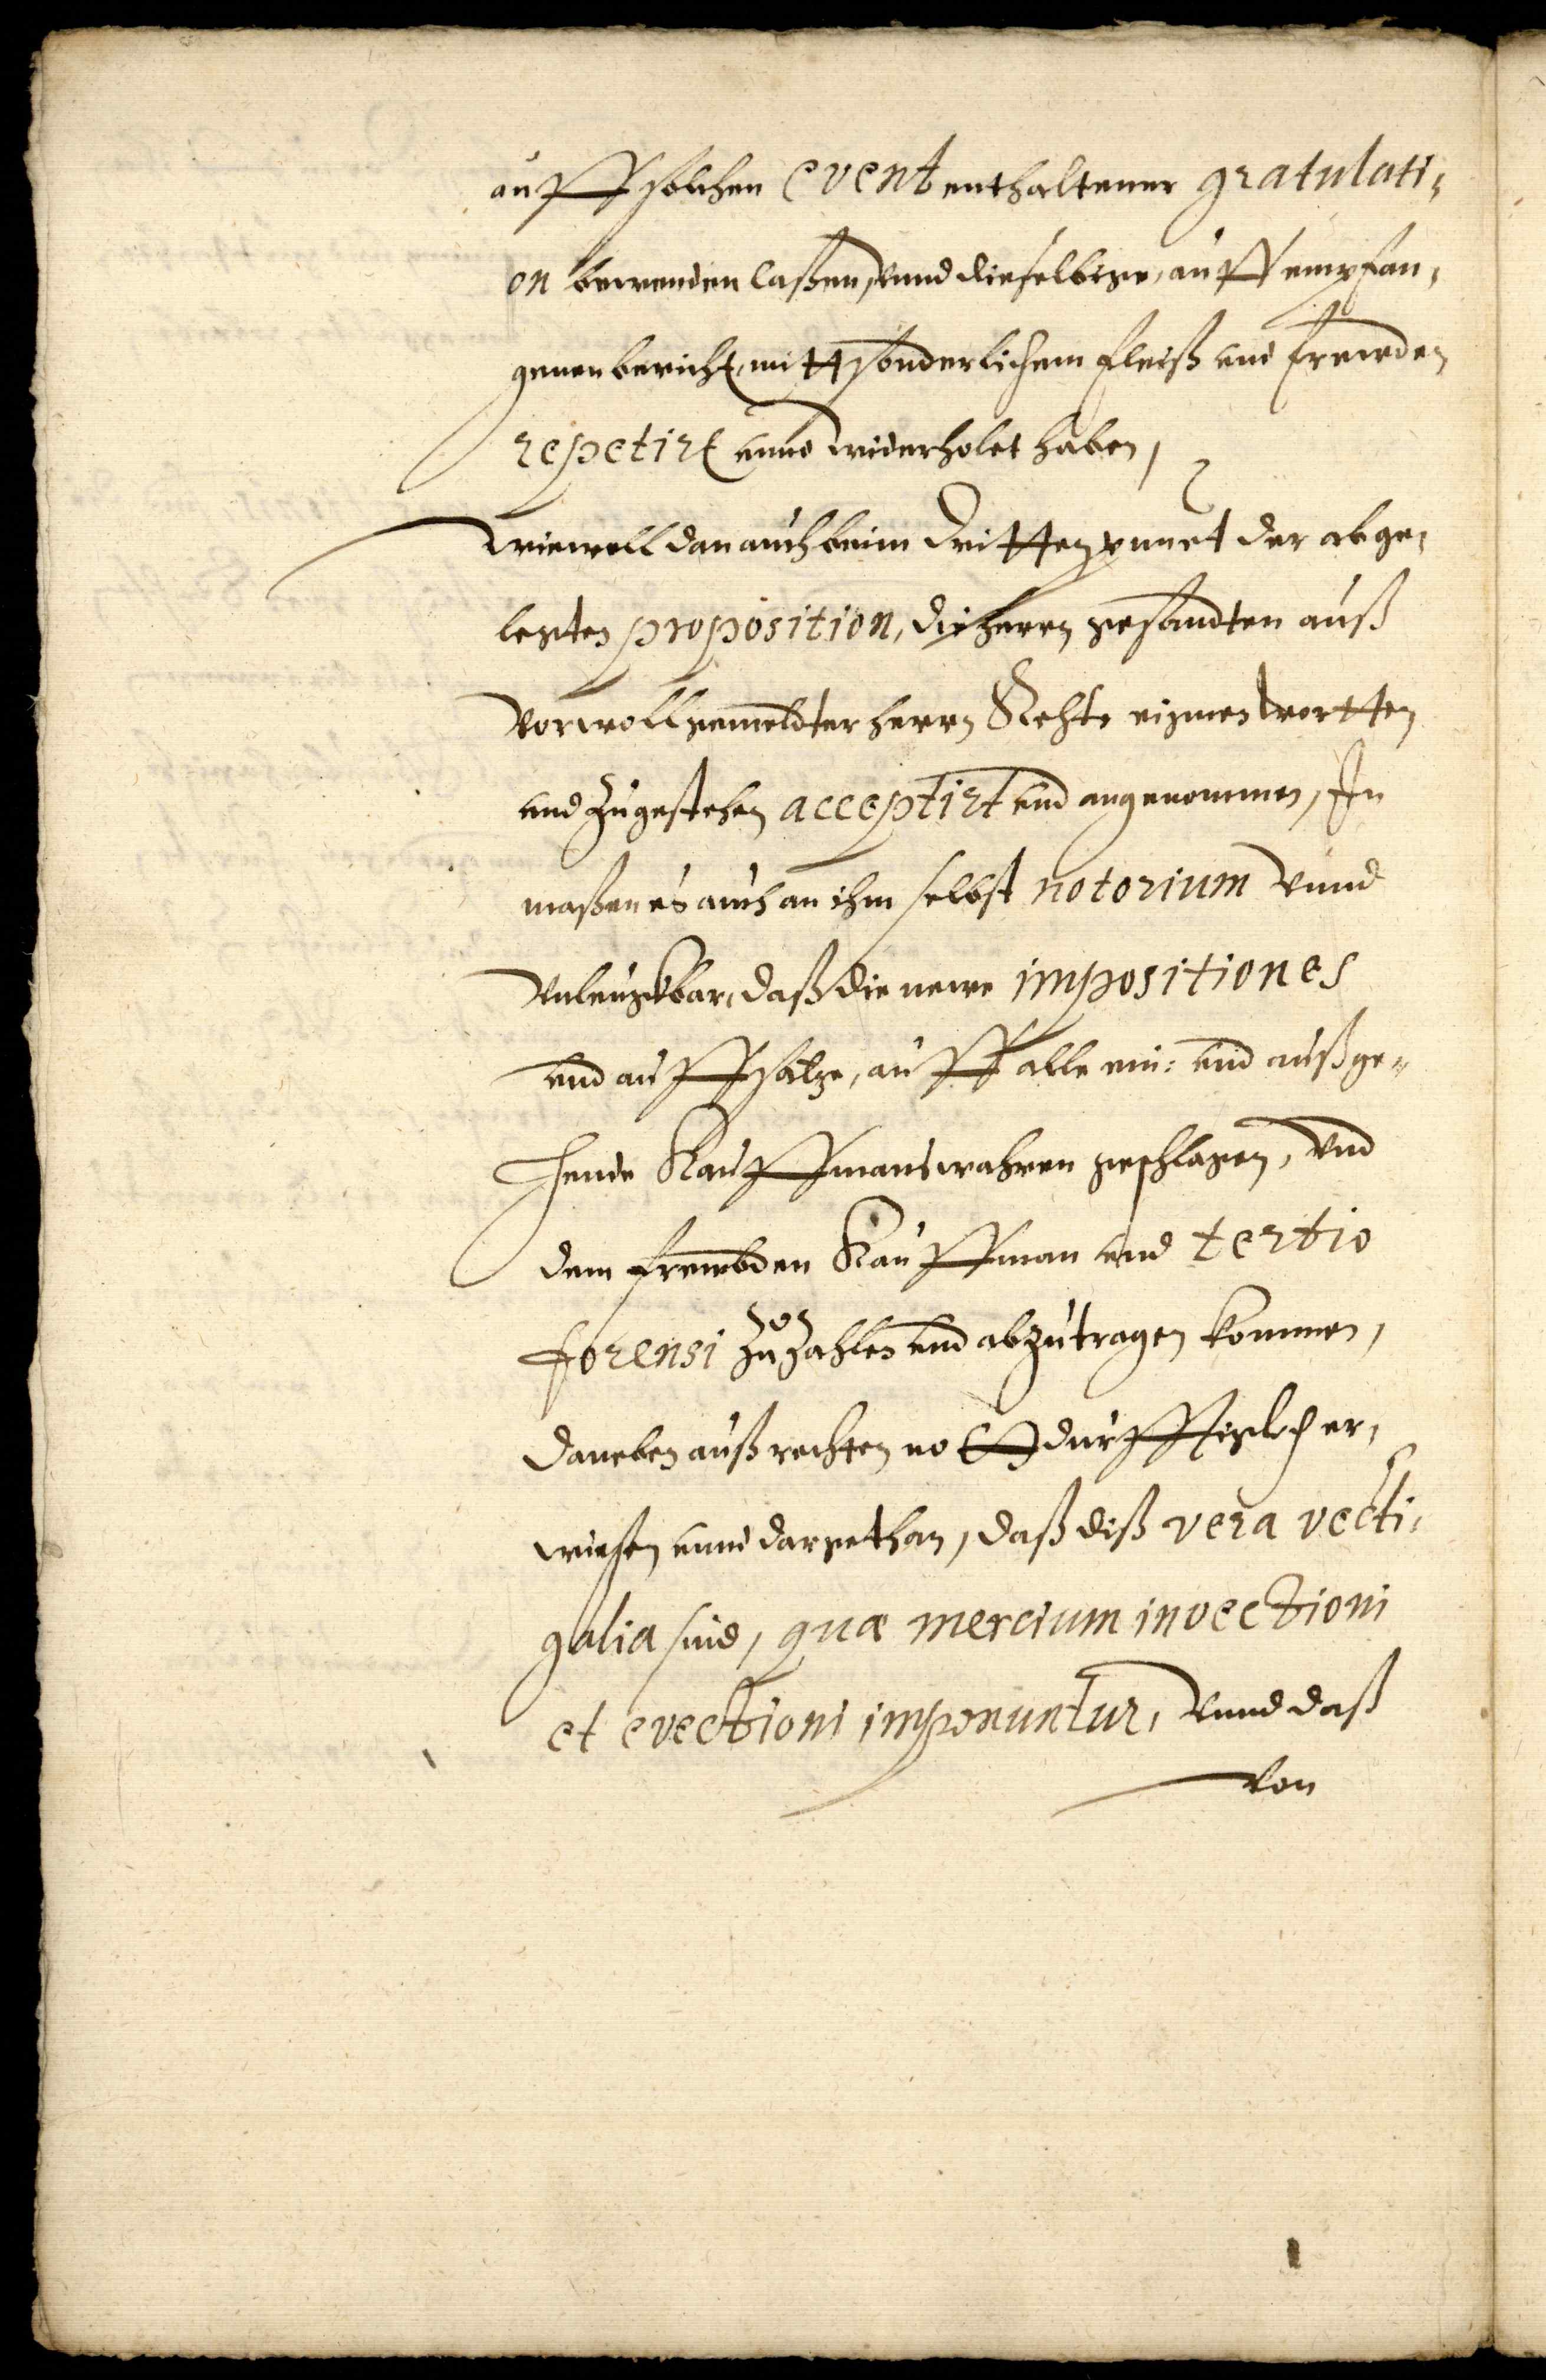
auff solchen event enthaltener gratulati¬
on bewenden laßen, vnnd dieselbige, auff empfan¬
genen bericht, mitt sonderlichem fleiß vnd frewden
repetirt vnnd widerholet haben,
wiewoll dan auch beim Dritten punct der abge¬
legten proposition, die herrn gesandten auß
vorwoll gemeldter herrn Rehte eignen wortten
vnd zugestehen acceptirt vnd angenommen, In
maßen es auch an ihm selbst notorium vnnd
vnleugkbar, daß die newe impositiones
vnd auffsatze, auff alle ein: vnd außge¬
hende Kauffmanswahren geschlagen, vnd
dem frembden Kauffman vnd tertio
forensi zu zahlen vnd abzutragen kommen,
daneben auß rechtten nottdurfftiglich er¬
wiesen vnnd dargethan, daß diß vera vecti¬
galia sind, quae mercium invectioni
et evectioni imponuntur, vnnd daß
von
